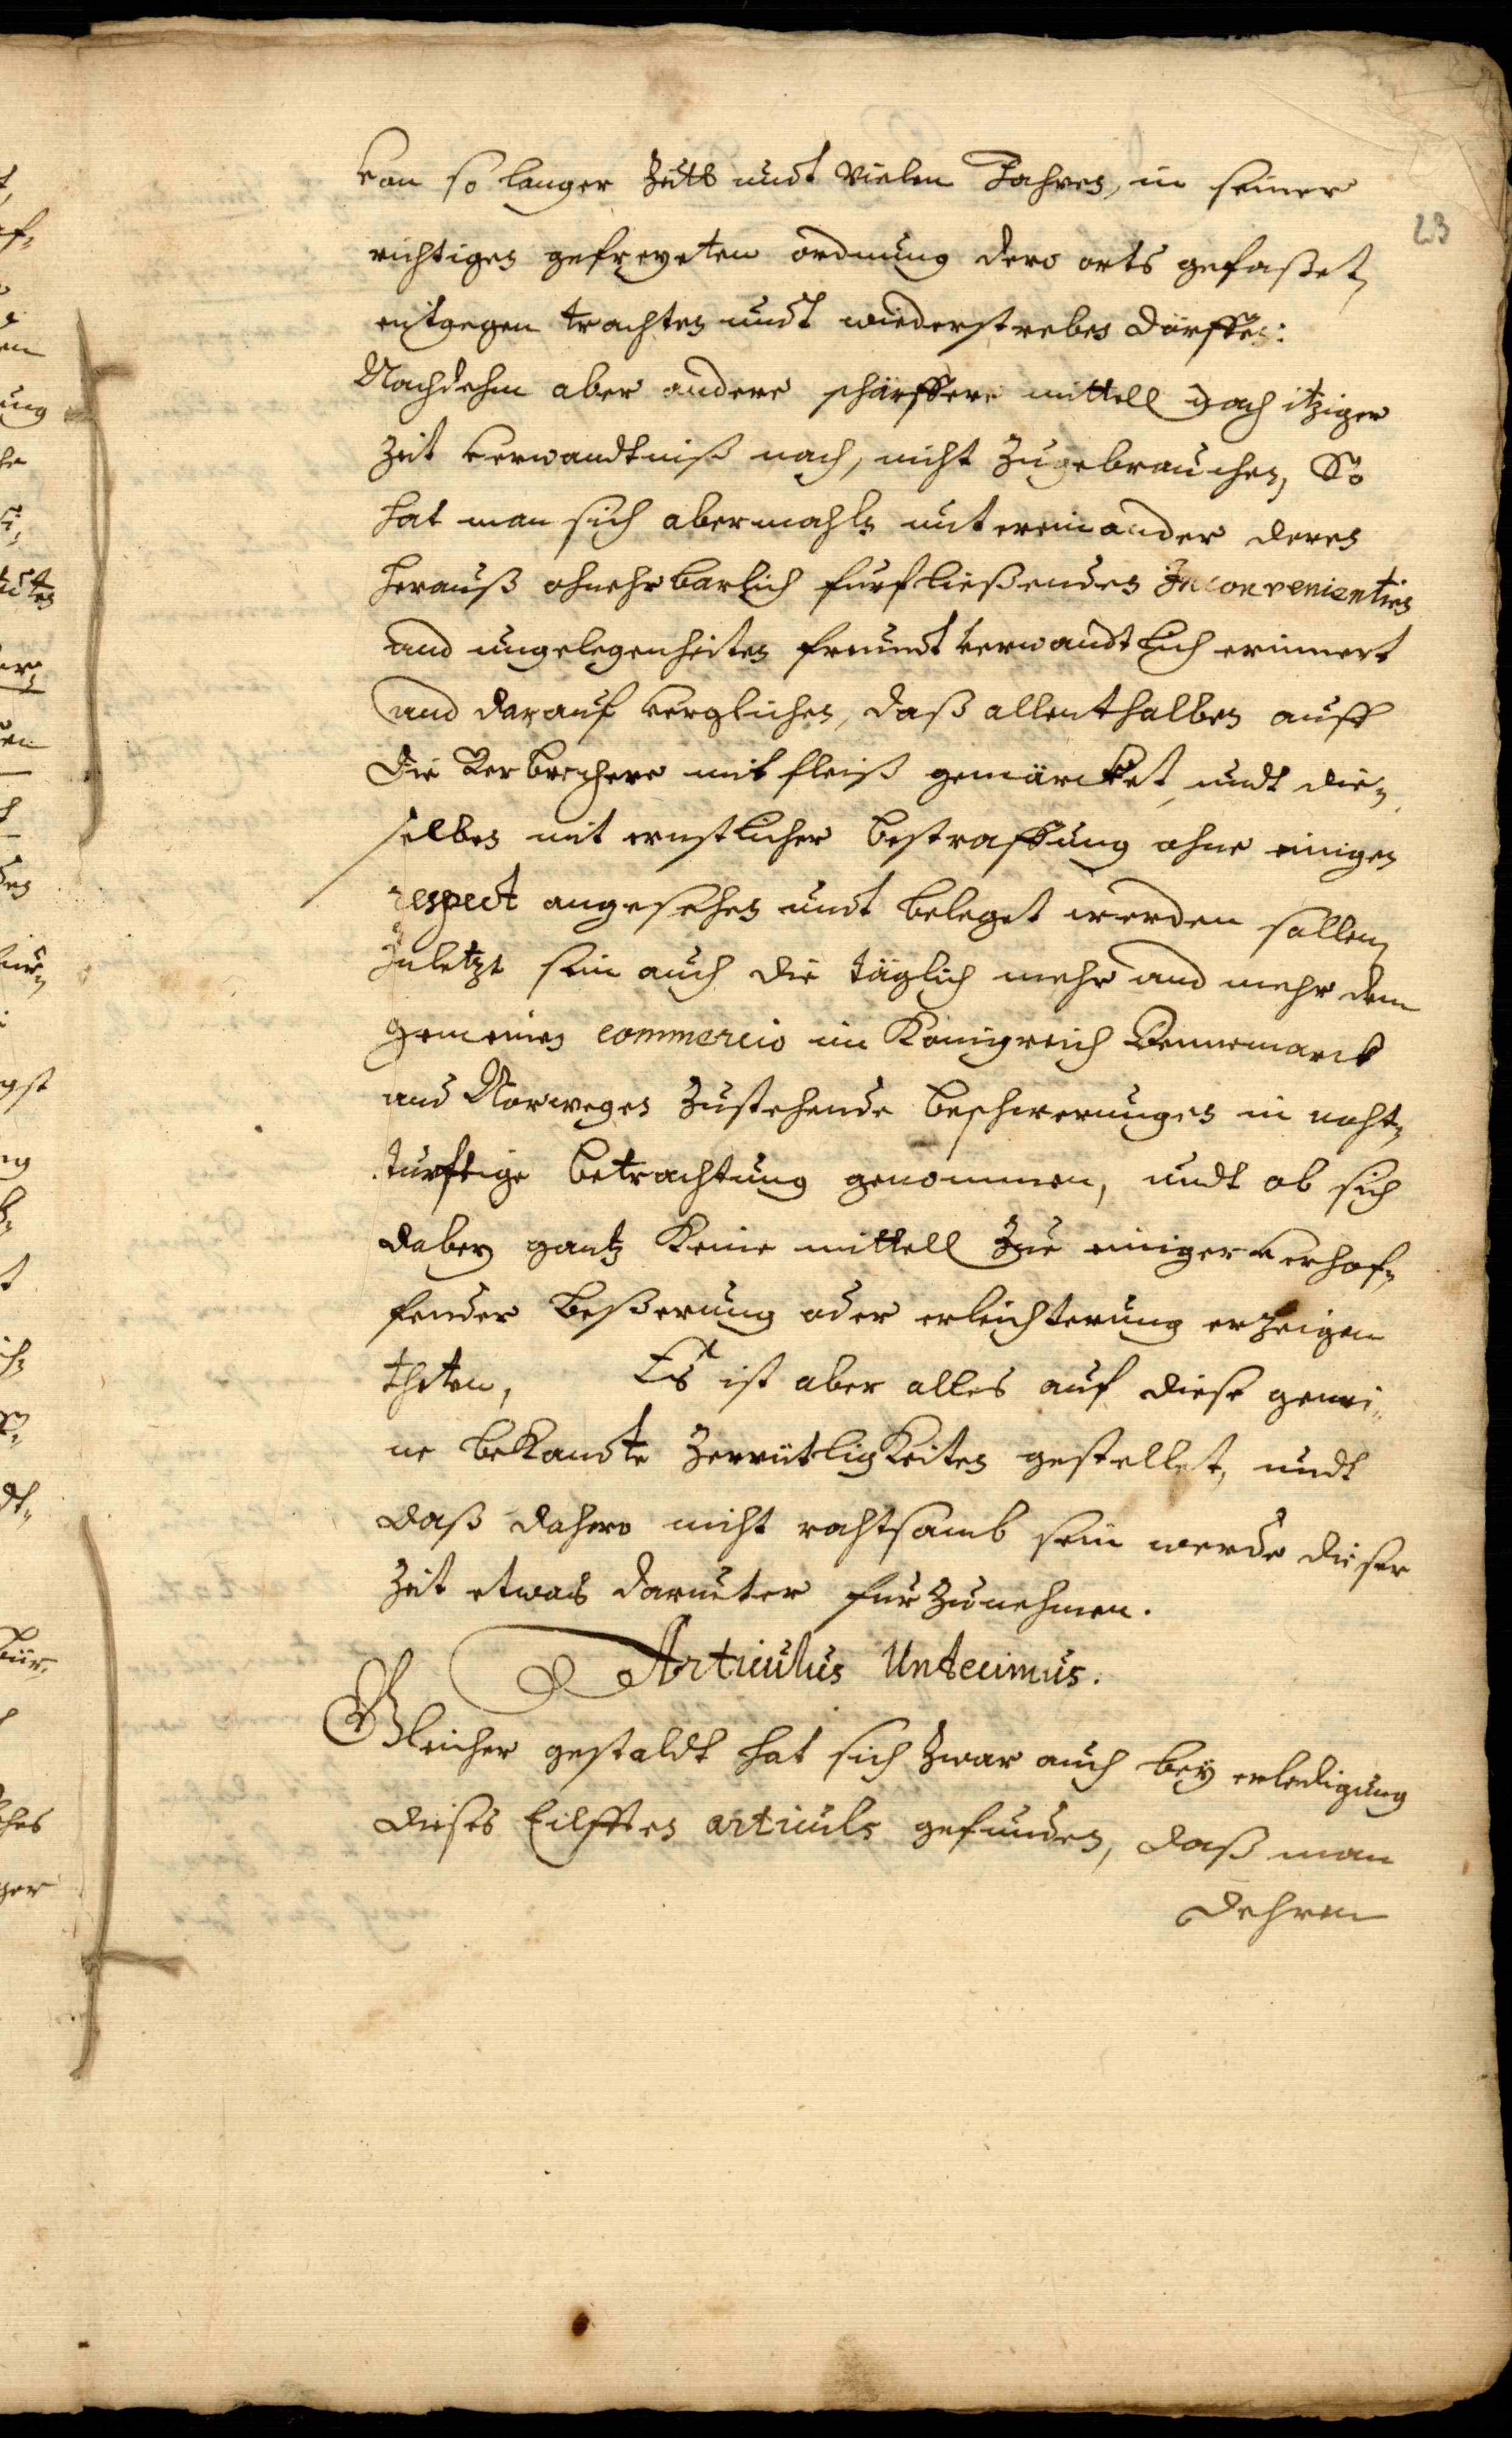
von so langer Zeitt undt vielen Jahren, in seiner
richtigen gefreyeten ordnung dero orts gefaßet,
entgegen trachten undt wiederstreben dörffen:
Nachdehm aber andere schärffere mittell nach itziger
zeit verwandtniß nach, nicht zugebrauchen, so
hat man sich abermahln untereinander deren
herauß ohnehrbarlich furfließenden Inconvenientien
und ungelegeheiten freundt verwandtlich erinnert
und darauf verglichen, daß allenthalben auff
die Verbrechere mit fleiß gemärcket, undt die¬
selben mit ernstlicher bestraffung ohne einigen
respect angesehen undt beleget werden sollen,
Zuletzt sein auch die täglich mehr und mehr dem
gemeinen commercio im Konigreich Dennemarck
und Norwegen zustehende beschwerungen in noht¬
turftige betrachtung genommen, undt ob sich
dabey gantz keine mittell zue einiger verhof¬
fender Beßerung oder erleichterung erzeigen
theten, Es ist aber alles auf diese gemei¬
ne bekandte Zerrütligkeiten gestellet, undt
daß dahero nicht rahtsamb sein werde dieser
zeit etwas darunter fur zu nehmen.
Articulus Undecimus.
Gleicher gestaldt hat sich zwar auch beij erledigung
dieses Eilfften articuls gefunden, daß man
dehren
